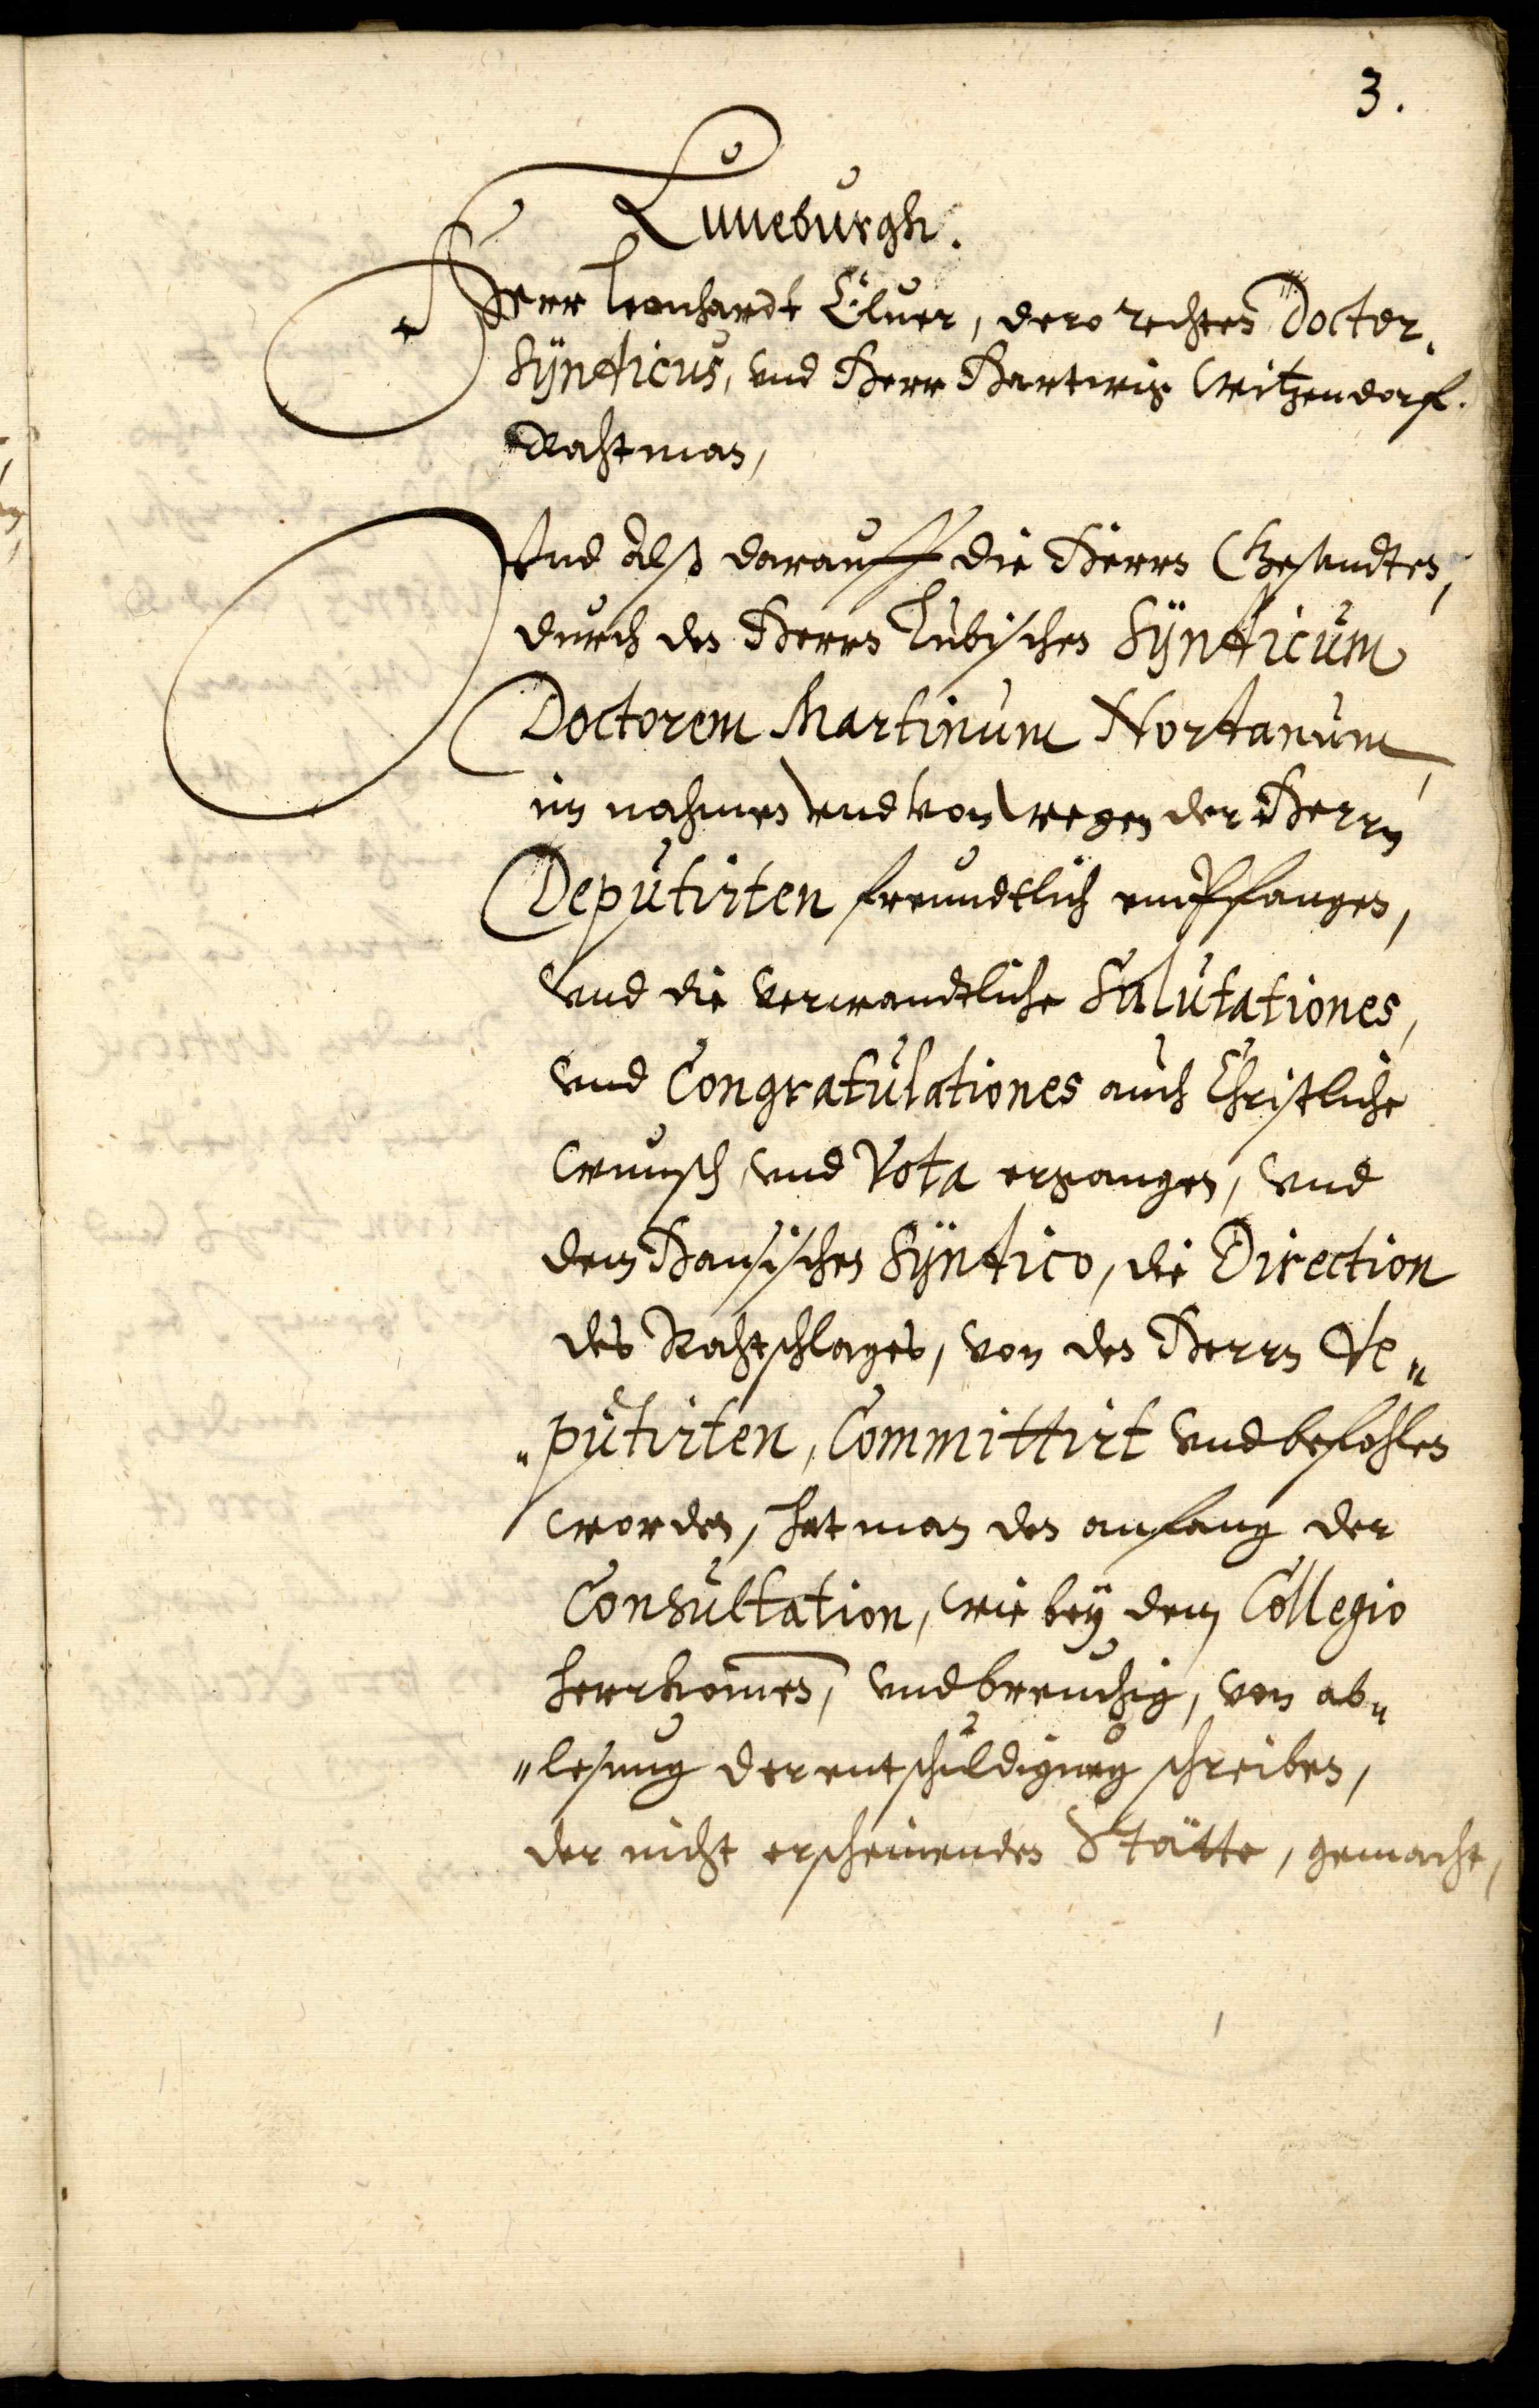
3.
Luneburgk.
Herr Leonhardt Eluer, dero rechten Doctor,
Sijndicus, vnd Herr Hartwig Witzendorf.
Rahtman,
Vnd Alß darauff die Herrn Gesandten,
durch den Herrn Lubischen Syndicum
Doctorem Martinum Nordanum,
im nahmen vnd von wegen der Herrn
Deputirten freundtlich empfangen,
vnd die verwandtliche salutationes,
vnd congratulationes auch Christliche
Wunsch, vnd Vota ergangen, vnd
dem Hansischen Sijndico, die Direction
des Rahtschlages, von den Herrn de¬
putirten, Committirt vnd befohlen
worden, hat man den anfang der
consultation, wie beij dem Collegio
herrkommen, vndbreuchig, von ab¬
lesung der entschuldigung schreiben,
der nicht erscheinenden Stätte, gemacht,
